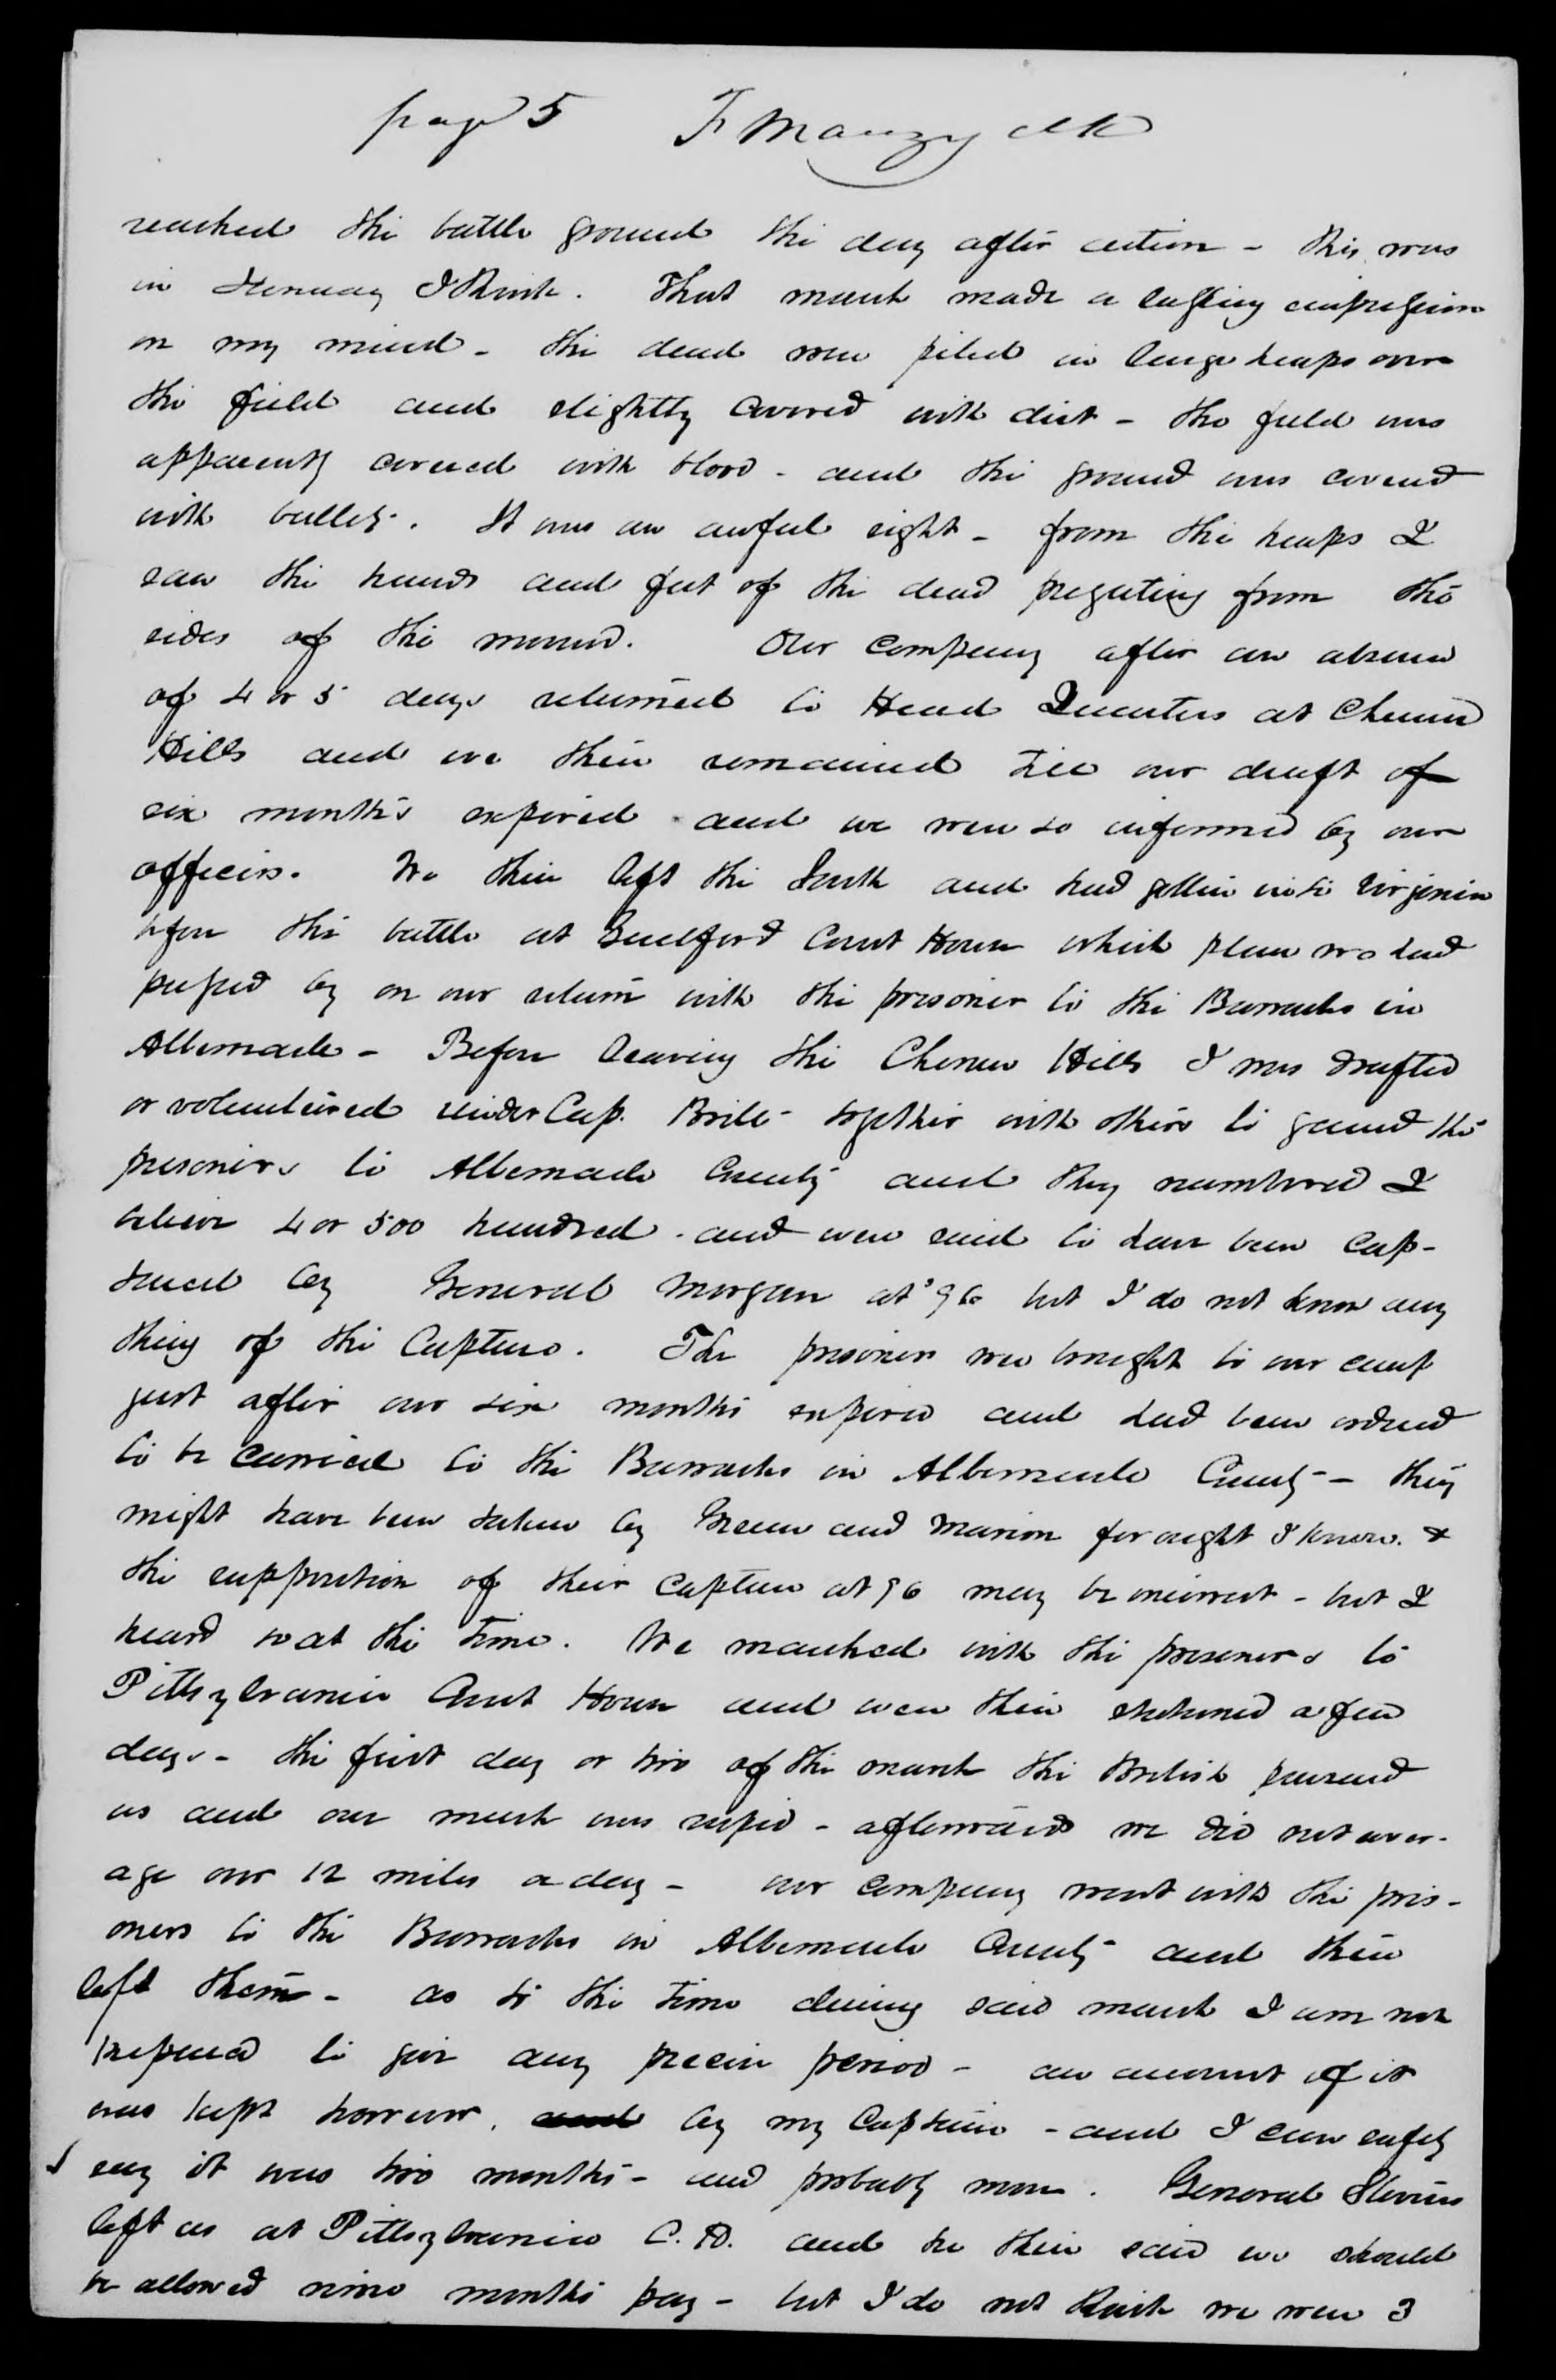Page 5 F Mauzy clk [clerk]
reached the battle ground the day after action. This was in January I think. That much made a lasting impression in my mind. The dead now piled in large heaps over the field and lightly covered with dirt - the field was apparently covered with blood, and the ground was covered with bullets. It is an awful sight from the heaps  I saw the hands and feet of the dead pregating from the sides of the mounds.
Our company after an absence of 4 or 5 days returned to Head Quarters at Cheraw Hills and we their remained till our draft of six months expired and we were so informed by our  officers.
We then left the South and had fallen into Virginia before the battle at Guilford Court House which place to law passed by on our return with the prisoners to the Barracks in
Albemarle - Before leaving the Cheraw Hill I was drafted or volunteered under Cap. Britt together with others to guard the
prisoners to Albemarle County and they numbered I believe 4 or 500 hundred and were said to have been captured by
General Morgan at 96 but I do not know any
thing of the capture. The prisoners we brought to our camp just after our six months expired and had been ordered to be carried to the Barracks in Albemarle County they might have been taken by Green and Marion for ought I know & the supposition of their capture at 96 may be [illegible] but I heard no at the time. We marched with the prisoners to Pittsylvania Court House and were there [illegible] for a few days
The first day of this march the British pursued
us and our march was rapid afterwards we did our average of 12 miles a day Our company went with the prisoners to the Barracks in Albemarle County and then left them, as to the time during said march I am not
prepared to give any precise period - on account of it was kept [illegible] [illegible] by my Captain and I can safely say it was two months and probably more. General Stevens left us at Pittsylvania Co. and to their said we should be allowed nine months pay. but I do not think we were 3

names: Stevens, F Mauzy, Britt, Greene, Marion, Morgan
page: 18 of 61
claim: survivor's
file: S. 8236, Daniel Cole, Va.